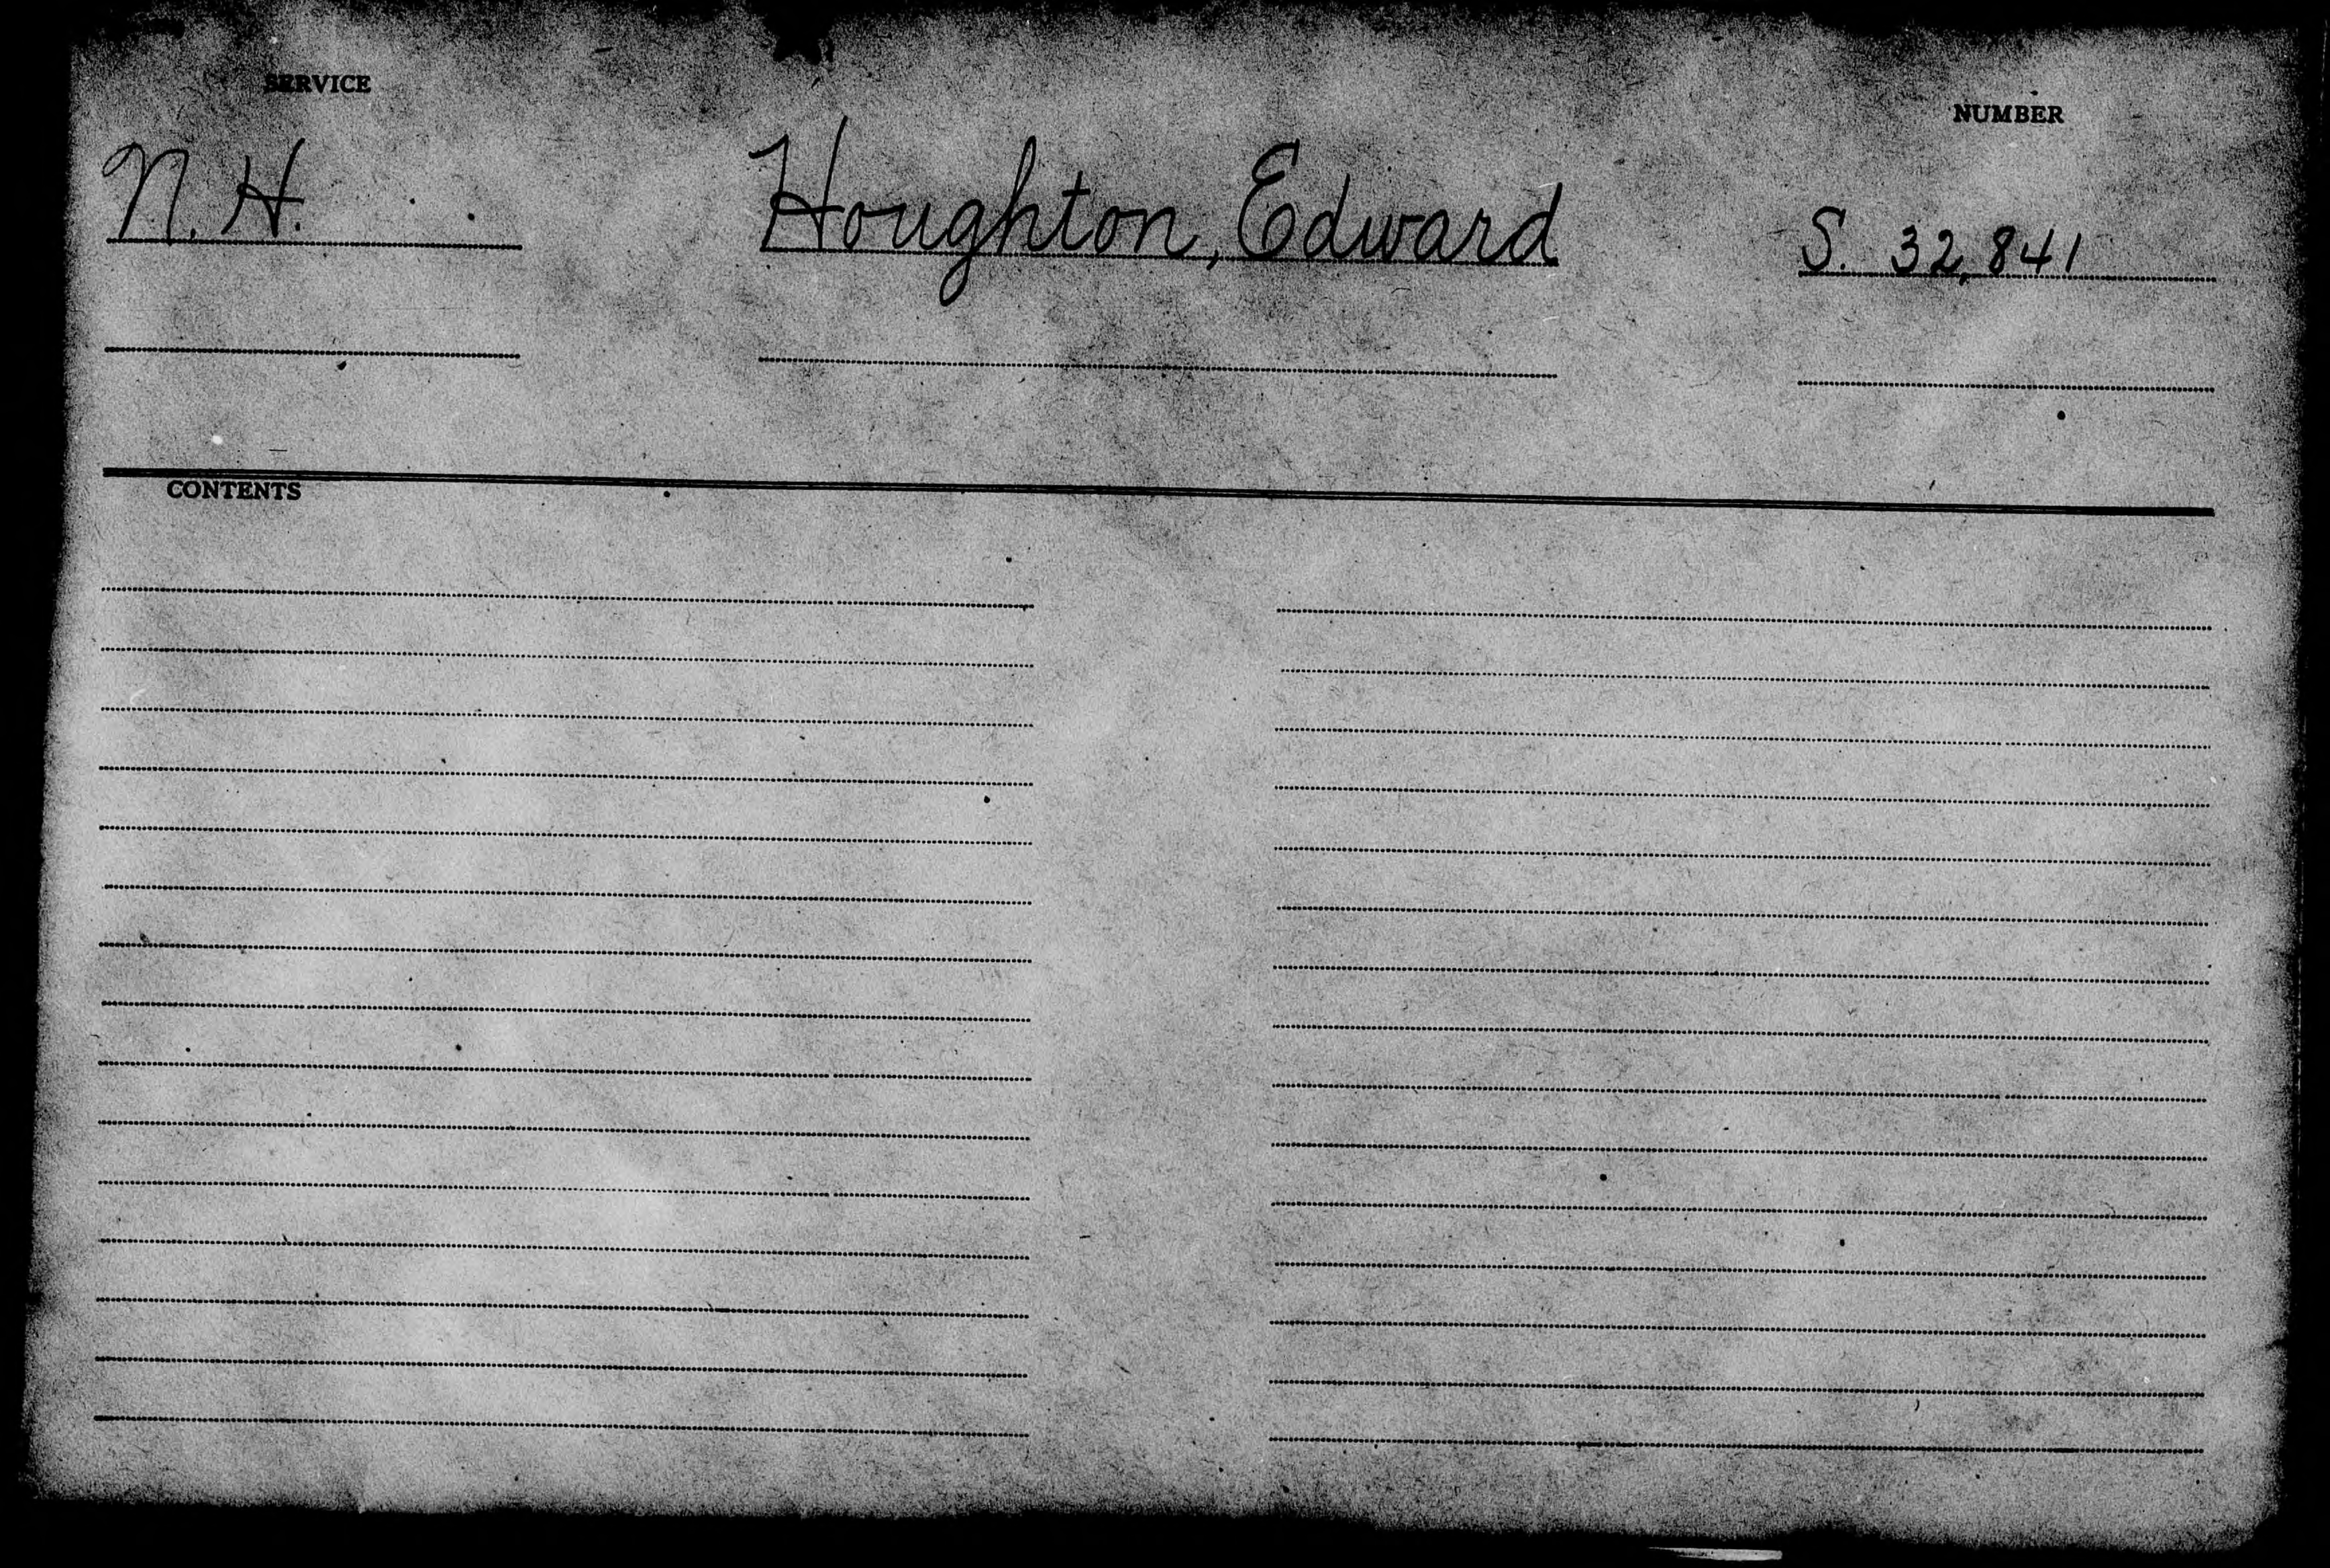SERVICE                                            NUMBER    
   N.H.       Houghton, Edward           S 32841






CONTENTS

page: 1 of 10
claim: survivor's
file: S. 32,841, Edward Houghton, N.H.